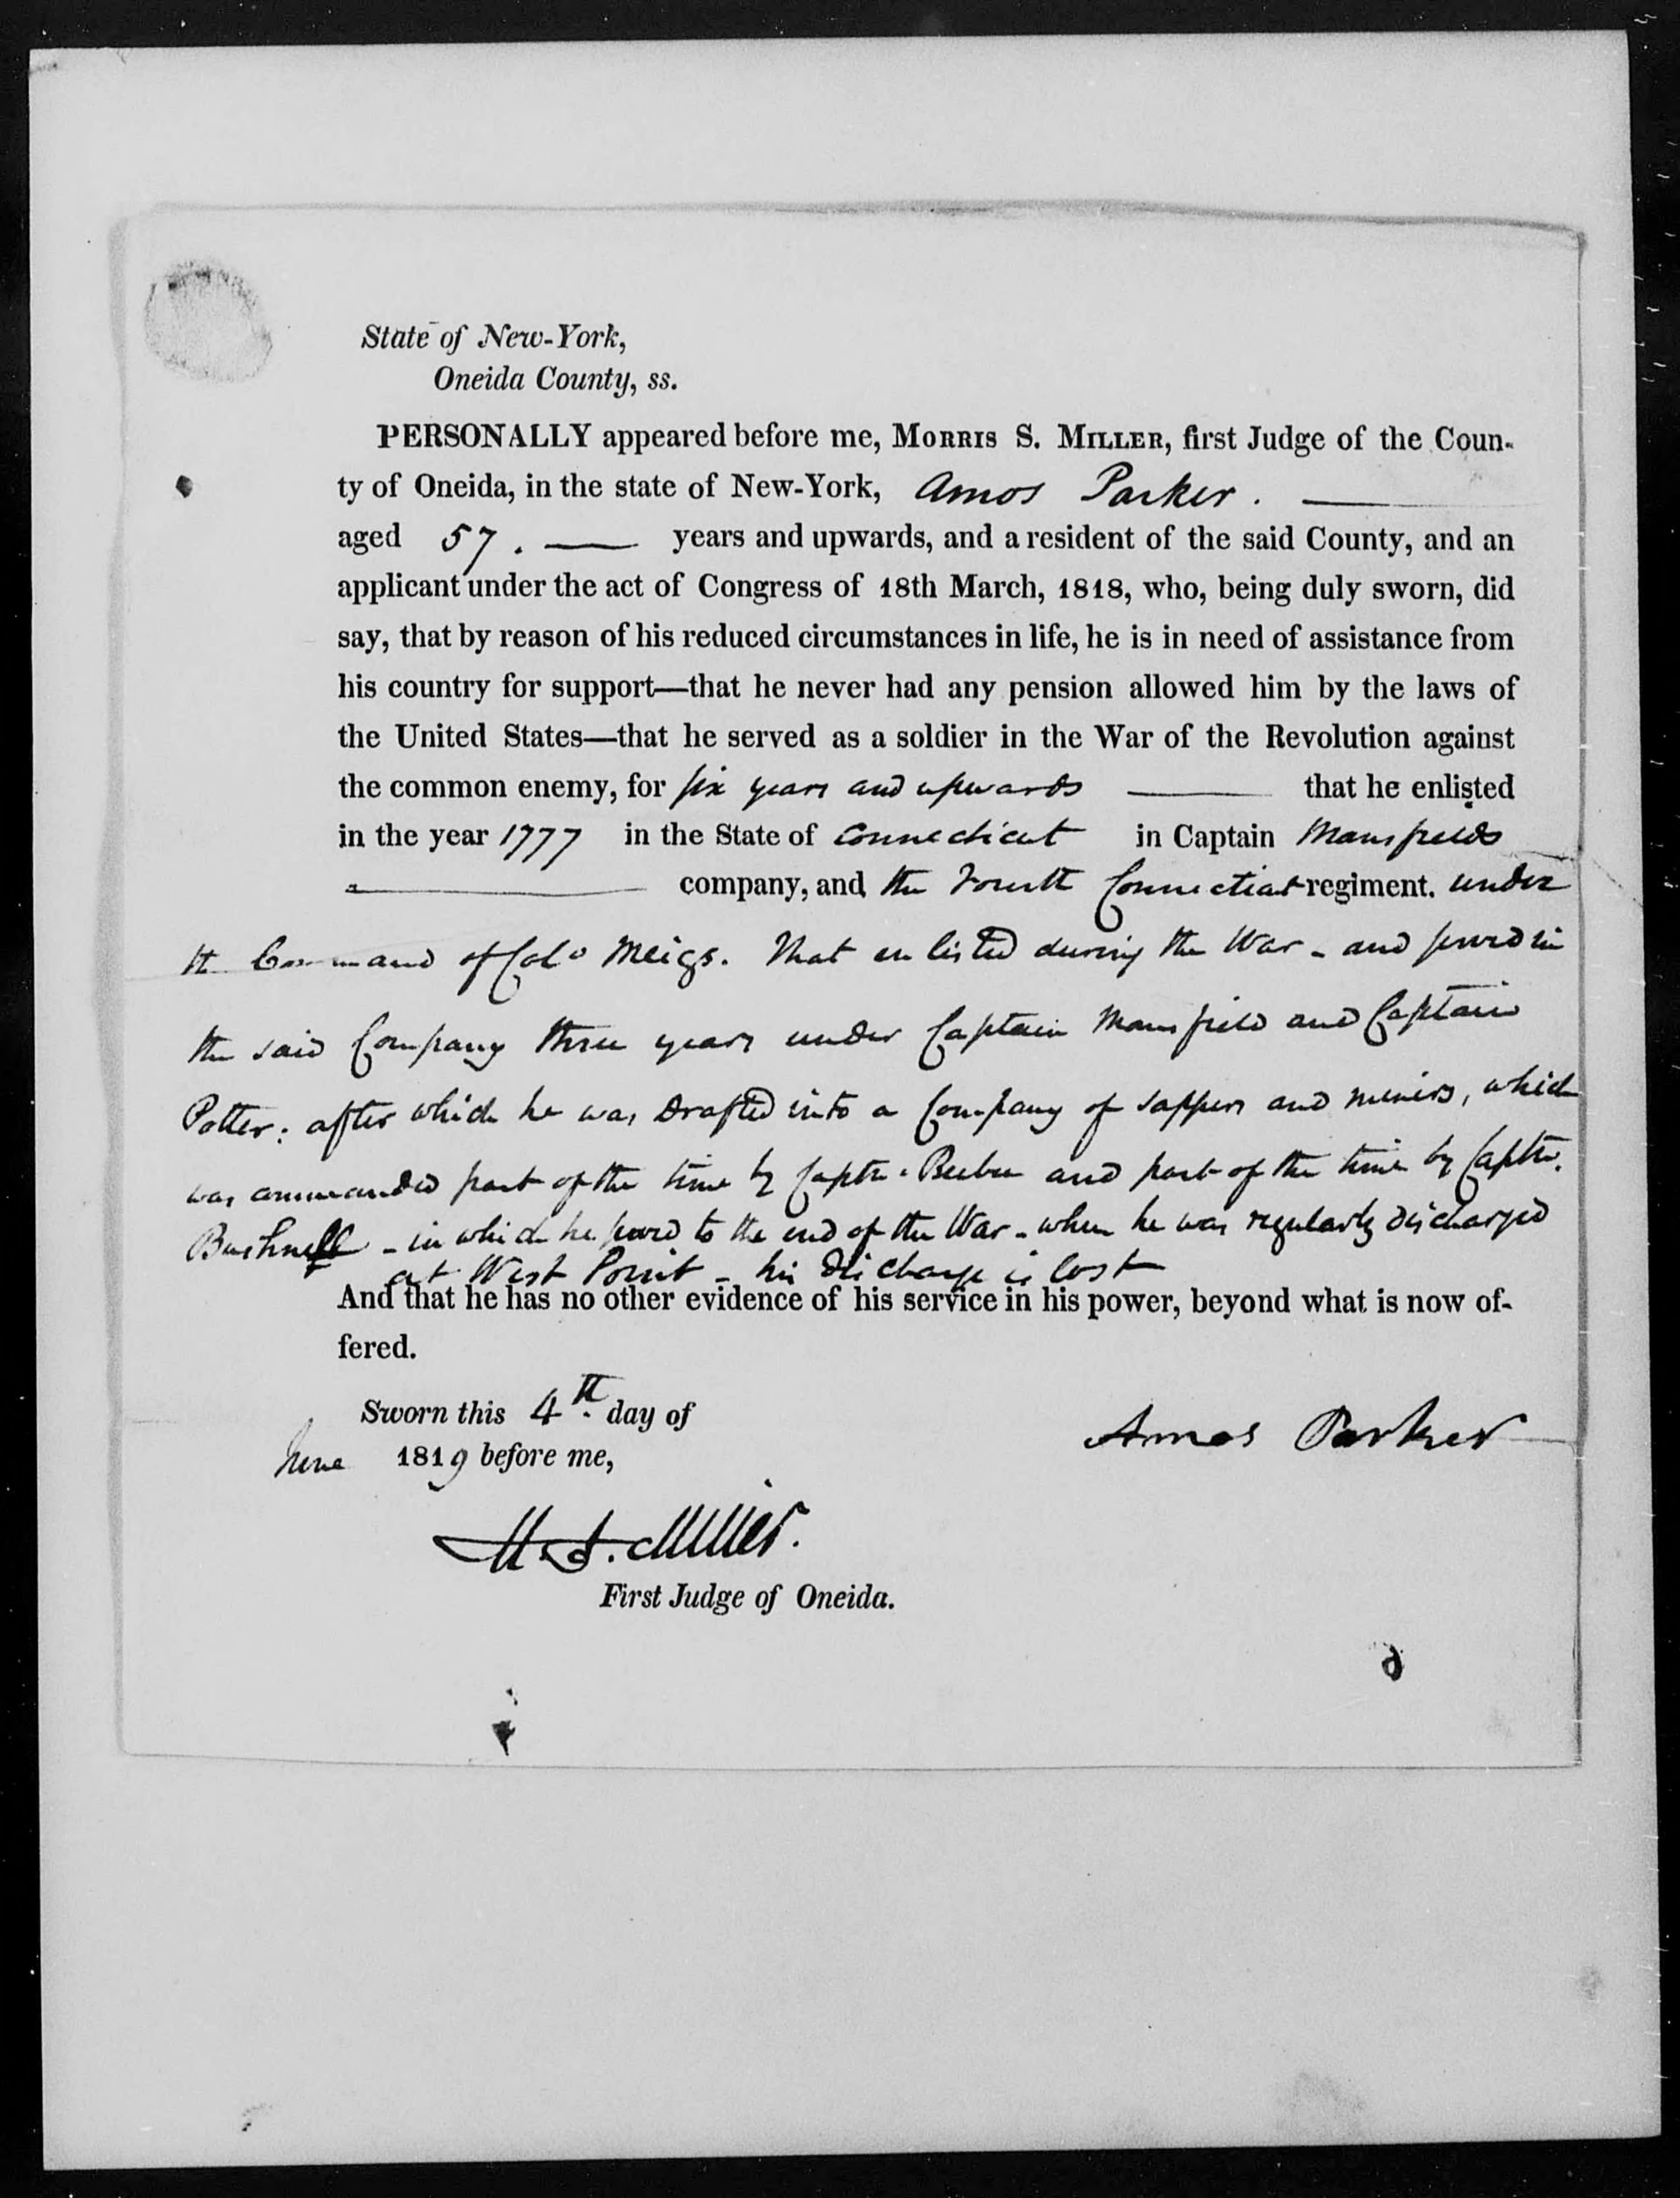State of New-York,
Oneida County, ss.
PERSONALLY appeared before me, MORRIS S. MILLER, first Judge of the County
of Oneida, in the state of New-York, Amos Parker.
aged 57. years and upwards, and a resident of the said County, and an
applicant under the act of Congress of 18th March, 1818, who, being duly sworn, did
say, that by reason of his reduced circumstances in life, he is in need of assistance from
his country for support--that he never had any pension allowed him by the laws of
the United States--that he served as a soldier in the War of the Revolution against
the common enemy, for six years and upwards
- that he enlisted
in the year 1777 in the State of Connecticut in Captain Mansfield's 
company, and the Fourth Connecticut regiment under the
command of Colo Meigs that enlisted during the war and served in
the said Company three years under Captain Mansfield and Captain
Potter, after which he was drafted into a company of Sappers and miners, which 
was commanded part of the time Capt Beebee and part of the time by Capt
Bushnell - in which he served to the end of the war - when he was regularly discharged
at West Point - his discharge is lost
And that he has no other evidence of his service in his power, beyond what is now offered.
Amos Parker
Sworn this 4th day of
June 1819 before me
M. S. Miller.
First Judge of Oneida.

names: [BLANK] Beebee; Morris S Miller; [BLANK] Mansfield; [BLANK] Bushnell; Amos Parker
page: 7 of 31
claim: survivor's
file: S. 43766, for Amos Parker, Connecticut